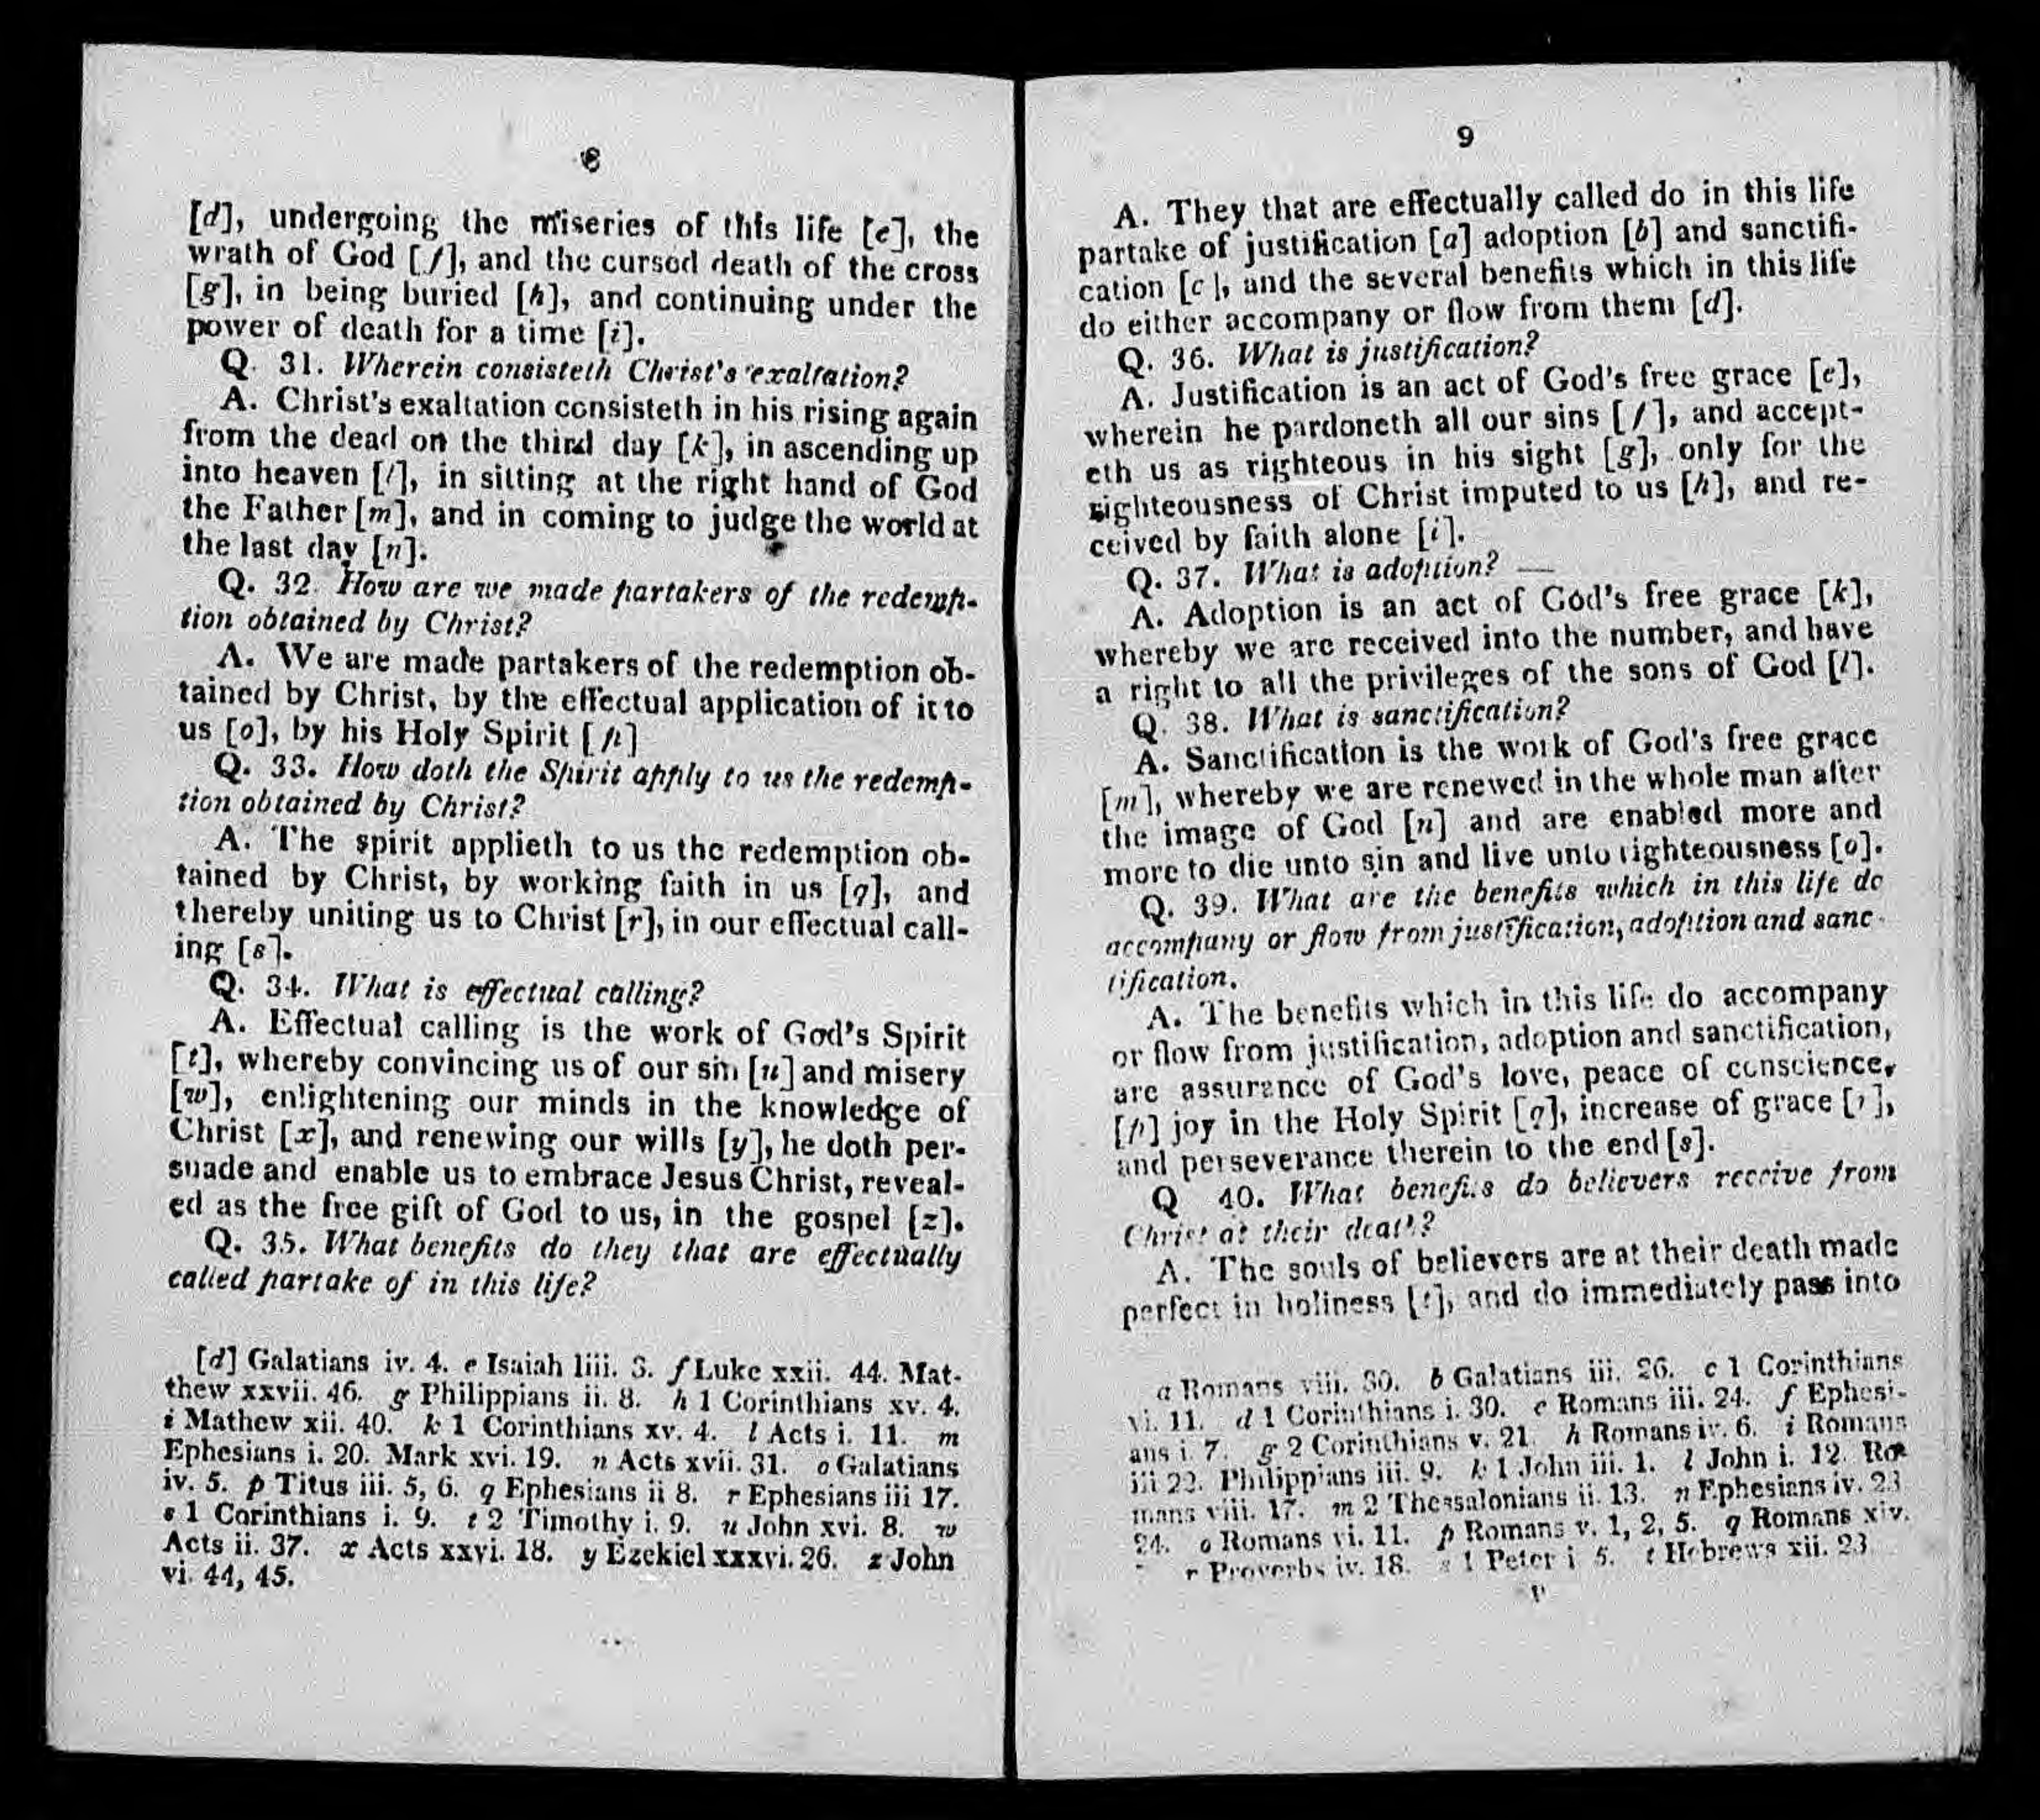8

[d], undergoing the miseries of this life [e], the wrath of God [f], and the cursed death of the cross [g], in being buried [h], and continuing under the power of death for a time[i].
Q. 31. Wherein consisteth Christ's exaltation?
A. Christ's exaltation consisteth in his rising again from the dead on the third day [k], in ascending up into heaven [l], in sitting at the right hand of God the Father [m], and in coming to judge the world at the last day [n].
Q. 32. How are we made partakers of the redemption obtained by Christ?
A. We are made partakers of the redemption obtained by Christ, by the effectual application of it to us [o], by his Holy Spirit [p]
Q. 33. How doth the Spirit apply to us the redemption obtained by Christ?
A. The spirit applieth to us the redemption obtained by Christ, by working faith in us [q], and thereby uniting us to Christ [r], in our effectual calling [s].
Q. 34. What is effectual calling?
A. Effectual calling is the work of God's Spirit [t], whereby convincing us of our sin [u] and misery [w], enlightening our minds in the knowledge of Christ [x], and renewing our wills [y], he doth persuade and enable us to embrace Jesus Christ, revealed as the free gift of God to us, in the gospel [z].
Q. 35. What benefits to they that are effectually
called partake of in this life?

[d] Galatians iv. 4. e Isaiah liii. 3. f Luke xxii. 44. Matthew xxvii. 46. g Philippians ii. 8. h 1 Corinthians xv. 4. i Mathew xii. 40. k 1 Corinthians xv. 4. l Acts i. 11. m Ephesians i. 20 Mark xvi. 19. n Acts xvii. 31. Galatians iv. 5. p Titus iii. 5. 6. q Ephesians ii.8. r Ephesians iii. 17. s 1 Corinthians i. 9. t 2 Timothy i. 9. u John xvi. 8. w Acts ii. 37. x Acts xxvi. 18. y Ezekiel xxxvi. 26. z John vi 44, 45.

9

A. They that are effectually called do in this life partake of justification [a] adoption [b] and sanctification [c], and the several benefits which in this life do either accompany or flow from them [d].
Q. 36. What is justification?
A. Justification is an act of God's free grace [e]. wherein he pardoneth all our sins [l], and accepteth us as righteous in his sight [g], only for the righteousness of Christ imputed to us [h], and received by faith alone [i].
Q. 37. What is adoption?
A. Adoption is an act of God's free grace [k], whereby we are received into the number, and have a right to all the privileges of the sons of God [l].
Q. 38. What is sanctification?
A. Sanctification is the work of God's free grace [m], whereby we are renewed in the whole man after the image of God [n] and are enabled more and more to die unto sin and live unto righteousness [o].
Q. 39. What are the benefits which in this life do accompany or flow from justification, adoption and sanctification.
A. The benefits which in this life do accompany or flow from justification, adoption and sanctification, are assurance of God's love, peace of conscience, [p] joy in the Holy Spirit [q], increase of grace [r], and perseverance therein to the end [s].
Q. 40. What benefits do believers receive from Christ at their death?
A. The souls of believers are at their death made perfect in holiness [t], and do immediately pass into

a Romans viii 30. b Galatians iii. 26.  c 1 Corinthians vi. 11. d 1 Corinthians i. 30. e Romans iii. 24. f Ephesians i. 7. g 2 Corinthians v. 21. h Romans iv. 6. i Romans. iii. 22. Philippians iii.  9. k 1 John iii. 1. l John i. 12. Romans viii. 17. m 2 Thessalonians ii. 13. n Ephesians iv. 23, 24. o Romans vi. 11. p Romans v. 1, 2, 5. q Romans xiv. 7. r Proverbs iv. 18. s 1 Peter i. 5. t Hebrews xii. 23.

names: Mark, Peter, John, Isaiah, Ezekiel, Mathew, Matthew, John, John, John, Titus, Luke, Timothy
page: 65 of 98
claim: widow's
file: W. 8398, William Broadway, S.C.